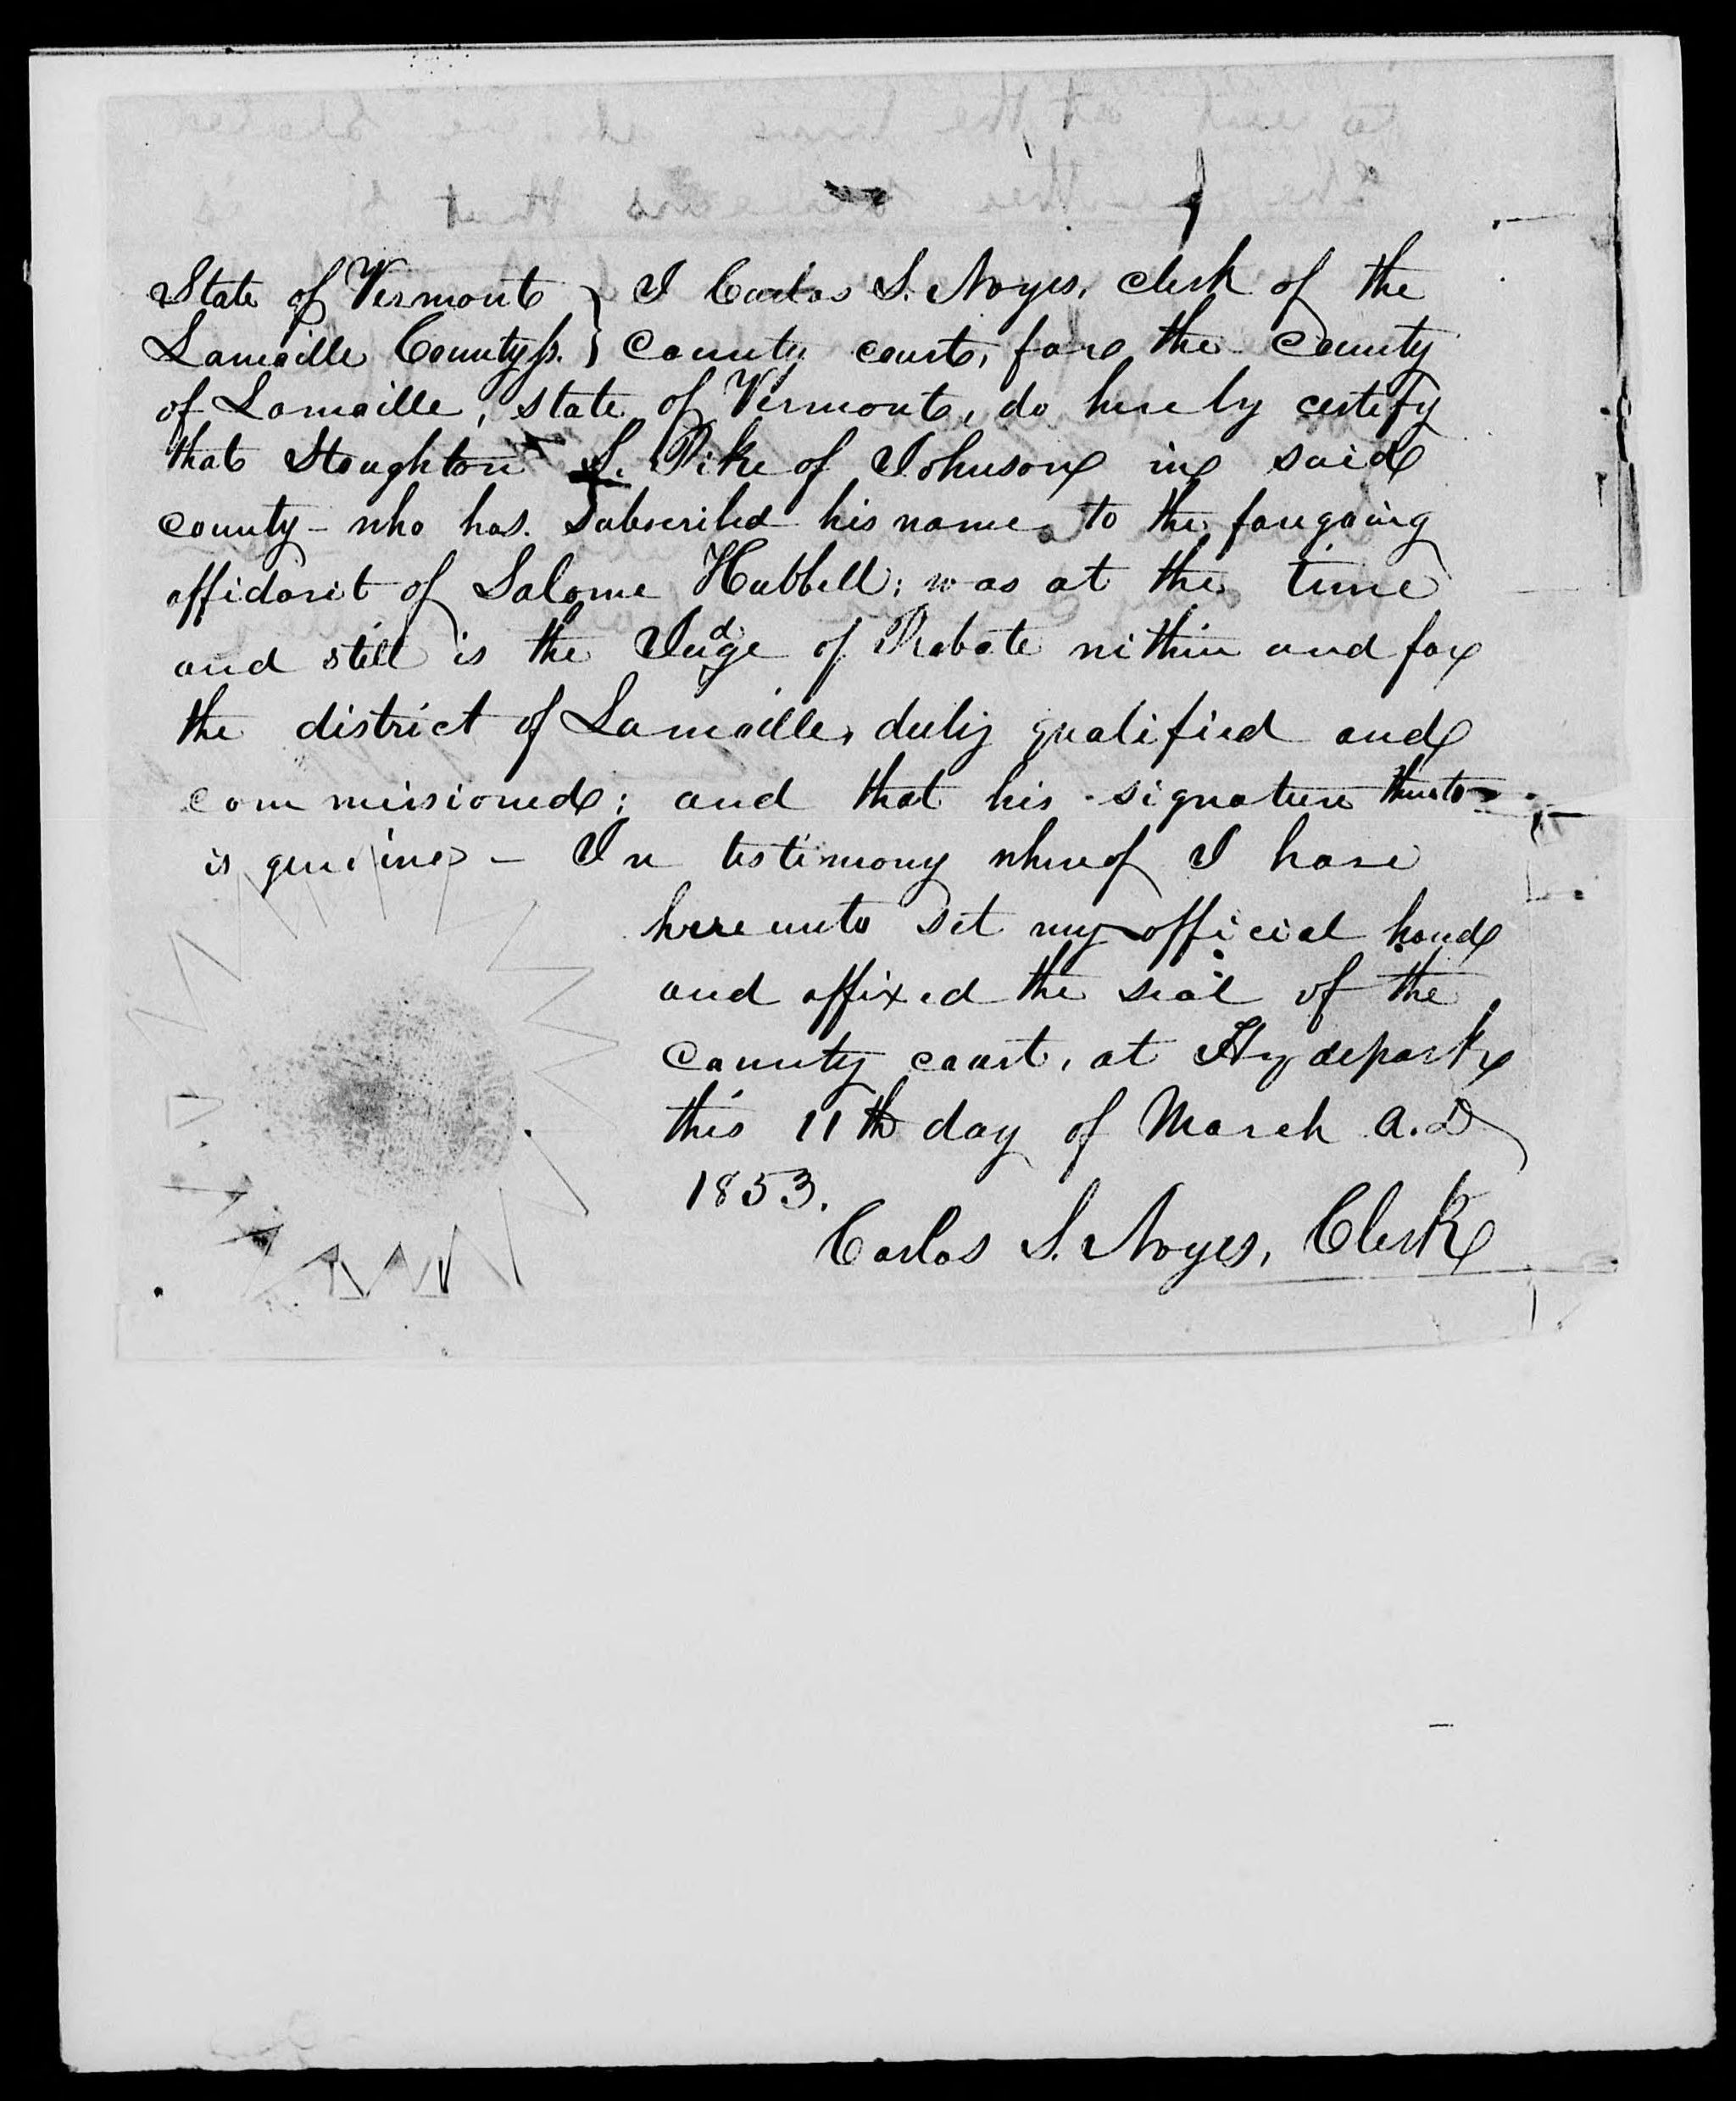State of Vermont Lamoille squiggle line vertically I Carole’s S. Noyes, clerk of the Sanoille County courts, fore the county of Samoille, State of Vermont, do hereby certify that Stoughton S. Pike of Johnson in said county - who has subscribed his name to the foregoing affidavit of Salome Hubbell; was at the time and still is the judge of Probate within and for the district of Samoille, duly qualified and commissioned; and that his signature hereto is genuine - In testimony where of I have hereunto sit my official hand and affixed the seal of the county court, at not legible word depart this 11 day of March A.D.
1853
Carlos S. Noyes, Clerk

Left side of page is a star shaped seal where words are not legible.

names: Carlos S Noyes, Salome Hubbell, Stoughton S Pike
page: 19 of 114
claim: widow's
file: W. 2115, Seth Hubbell, Conn.